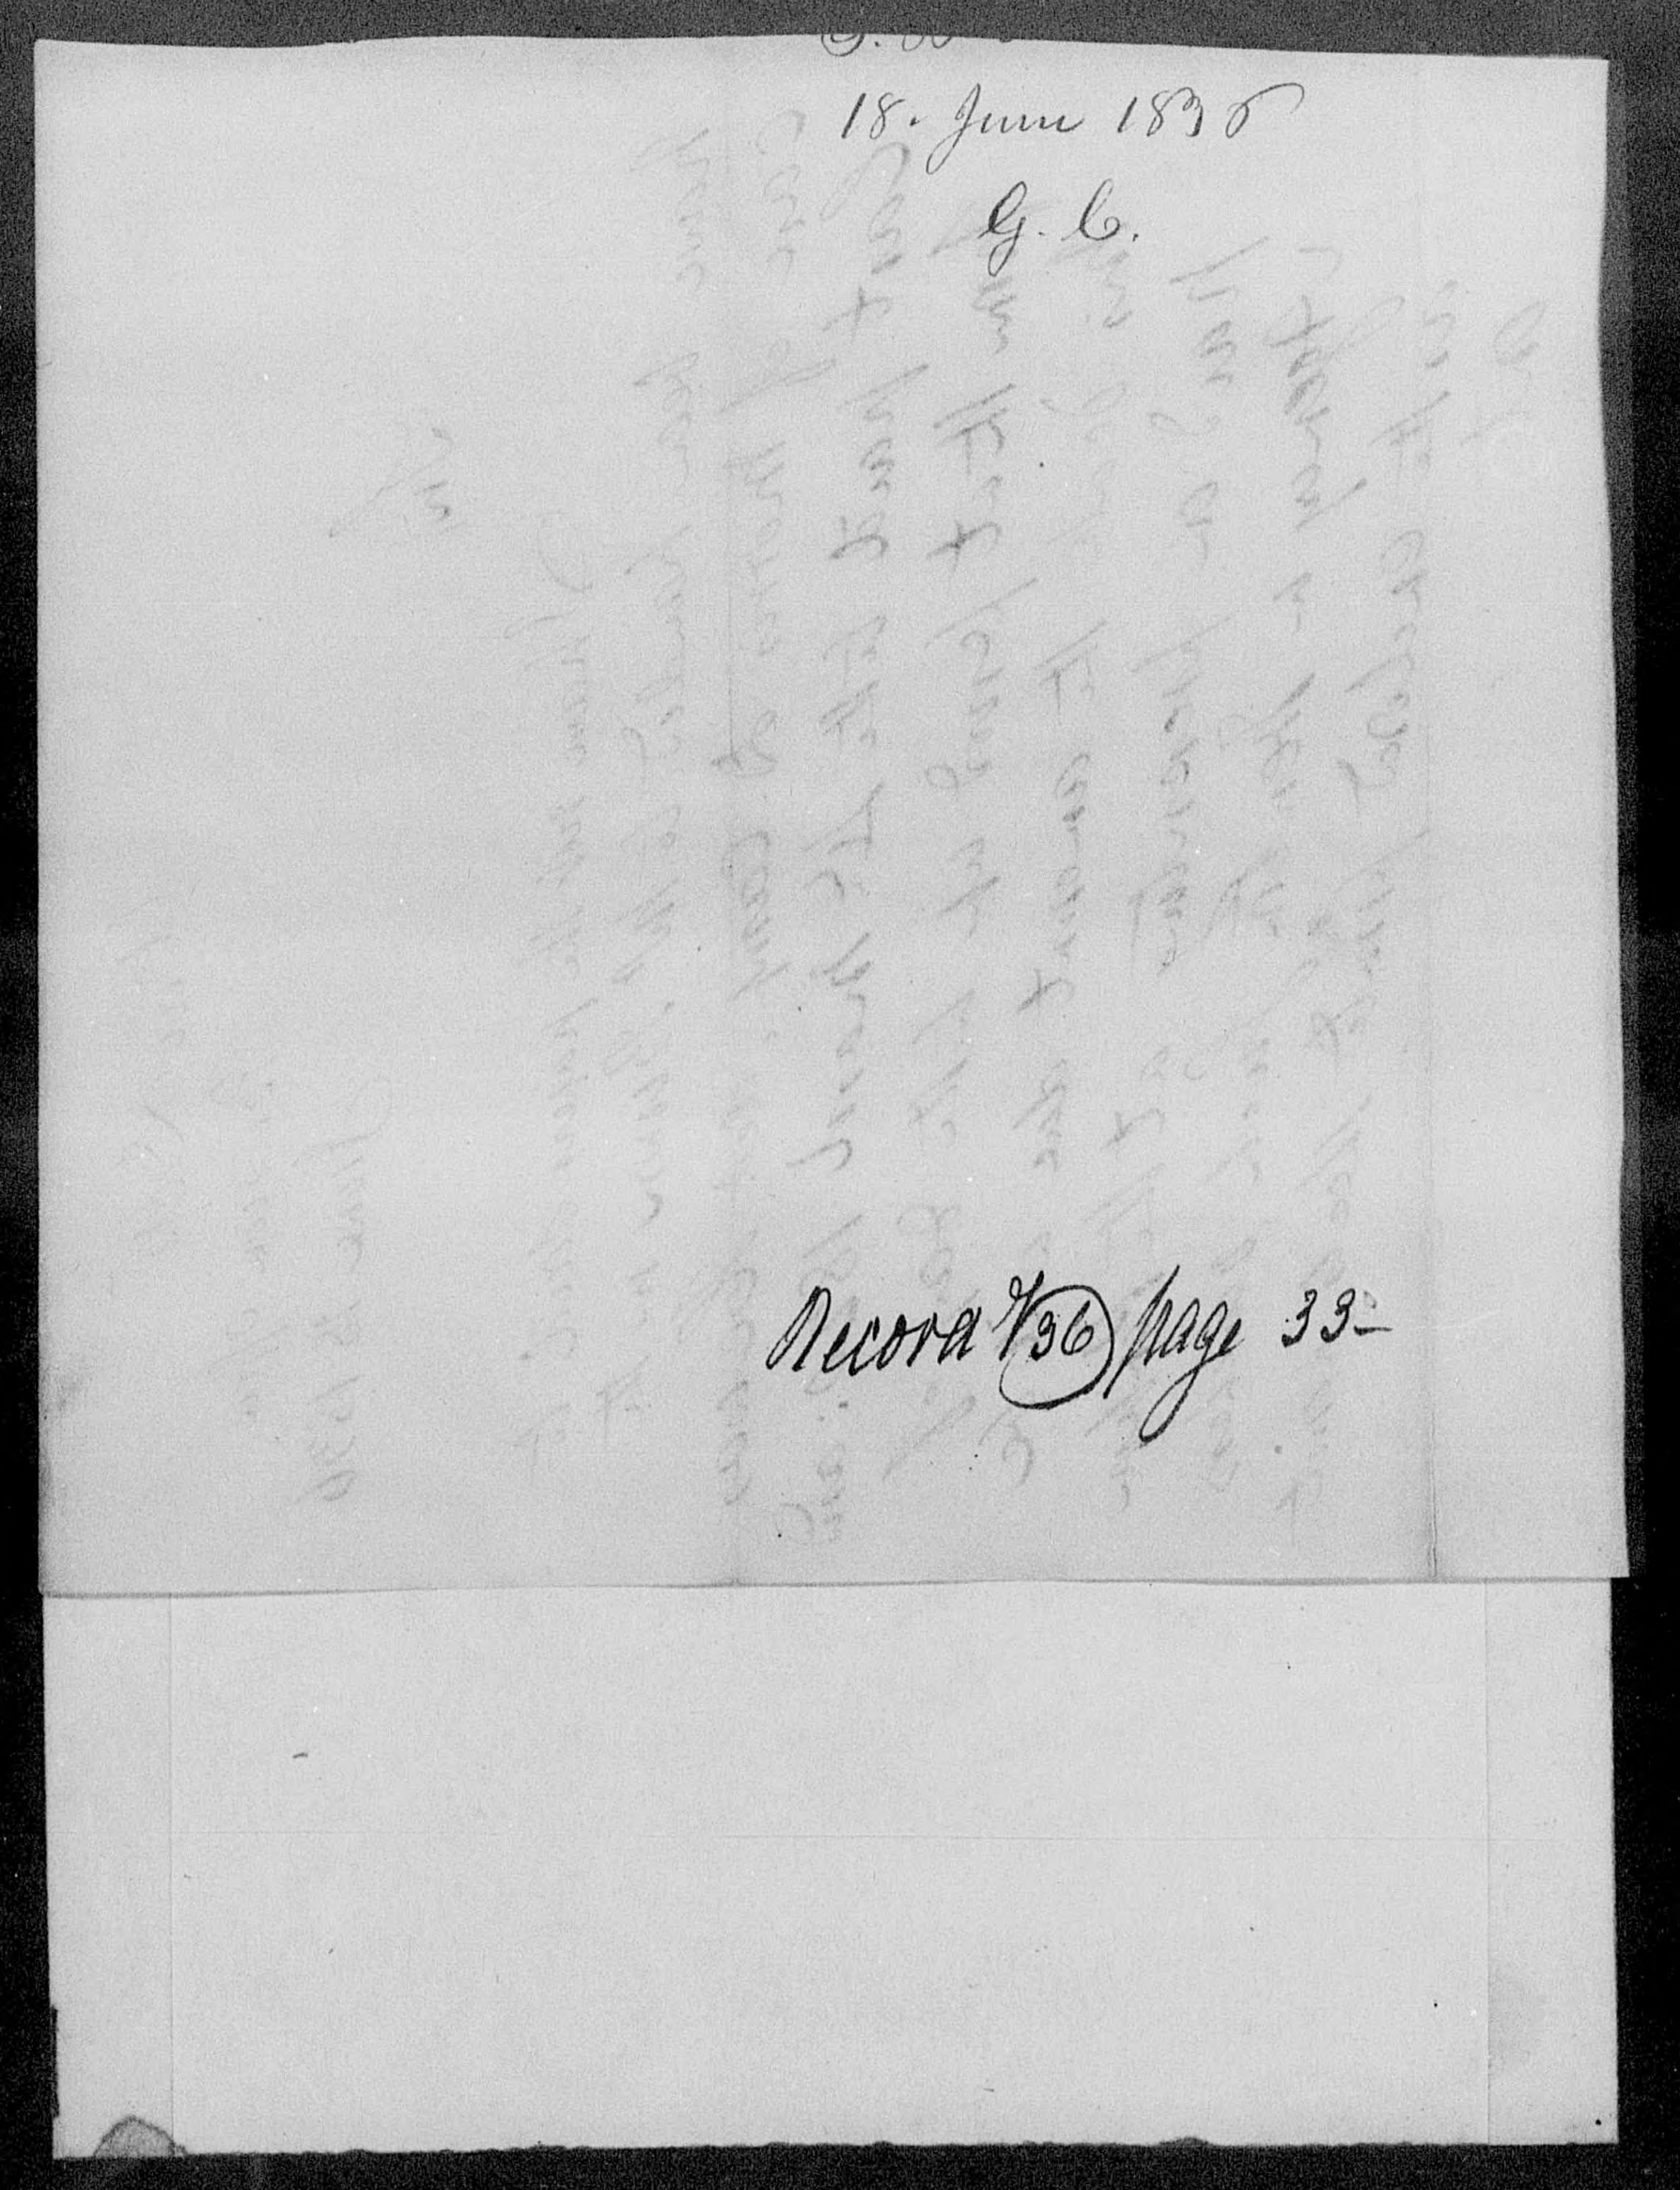18 June 1836
G.C.
Record G 36 page 33-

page: 34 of 52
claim: survivor's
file: S. 34172, Morris D Camp, Continental (New Jersey)